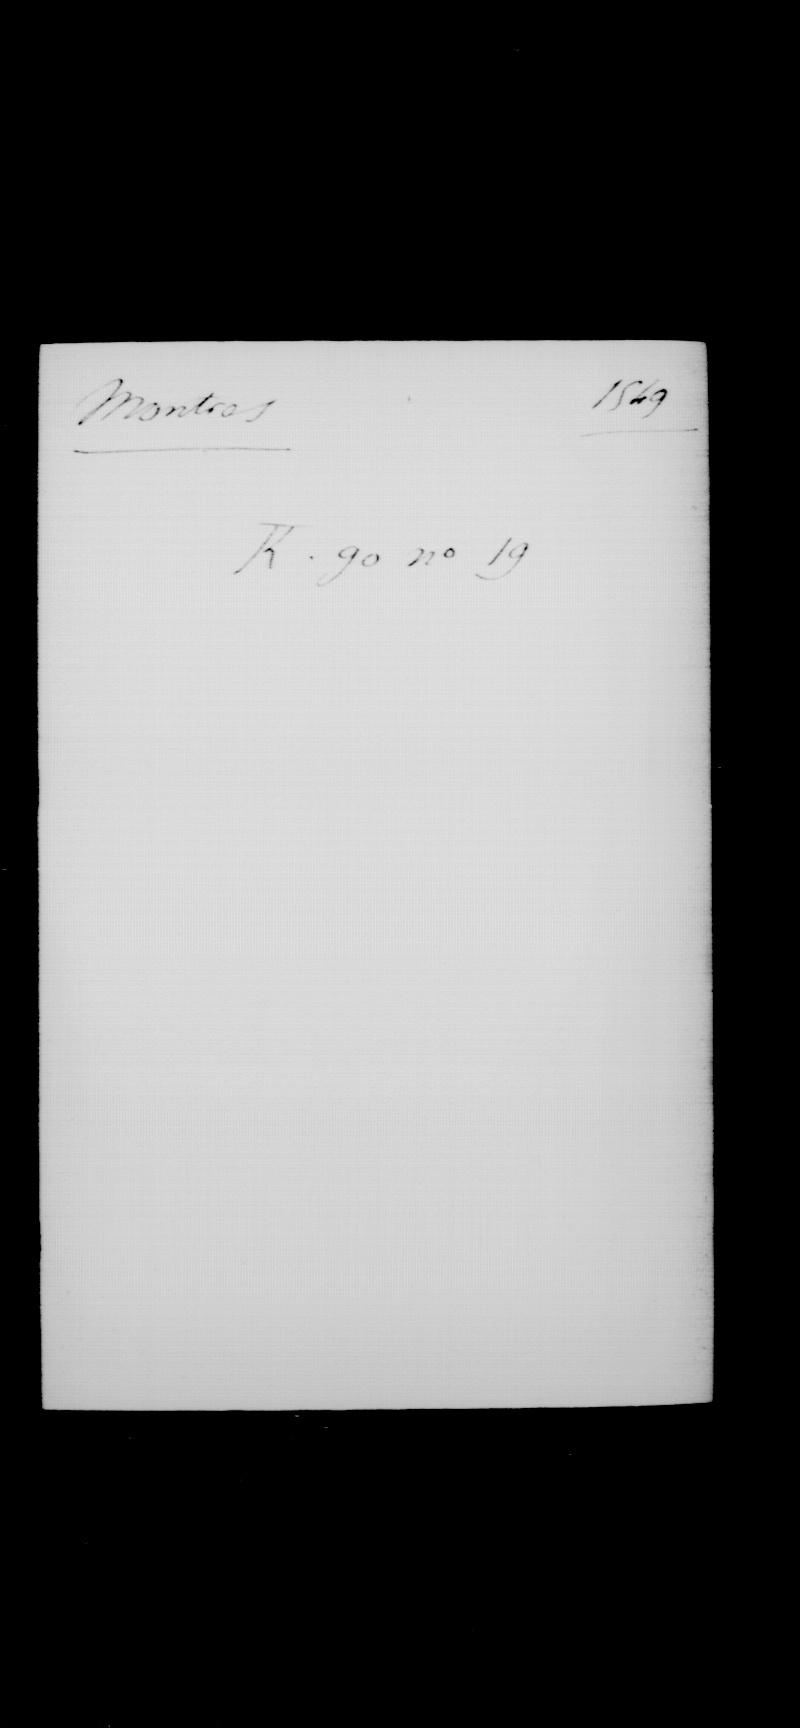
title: Montres
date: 1549
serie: K
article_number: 90
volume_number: n° 19
